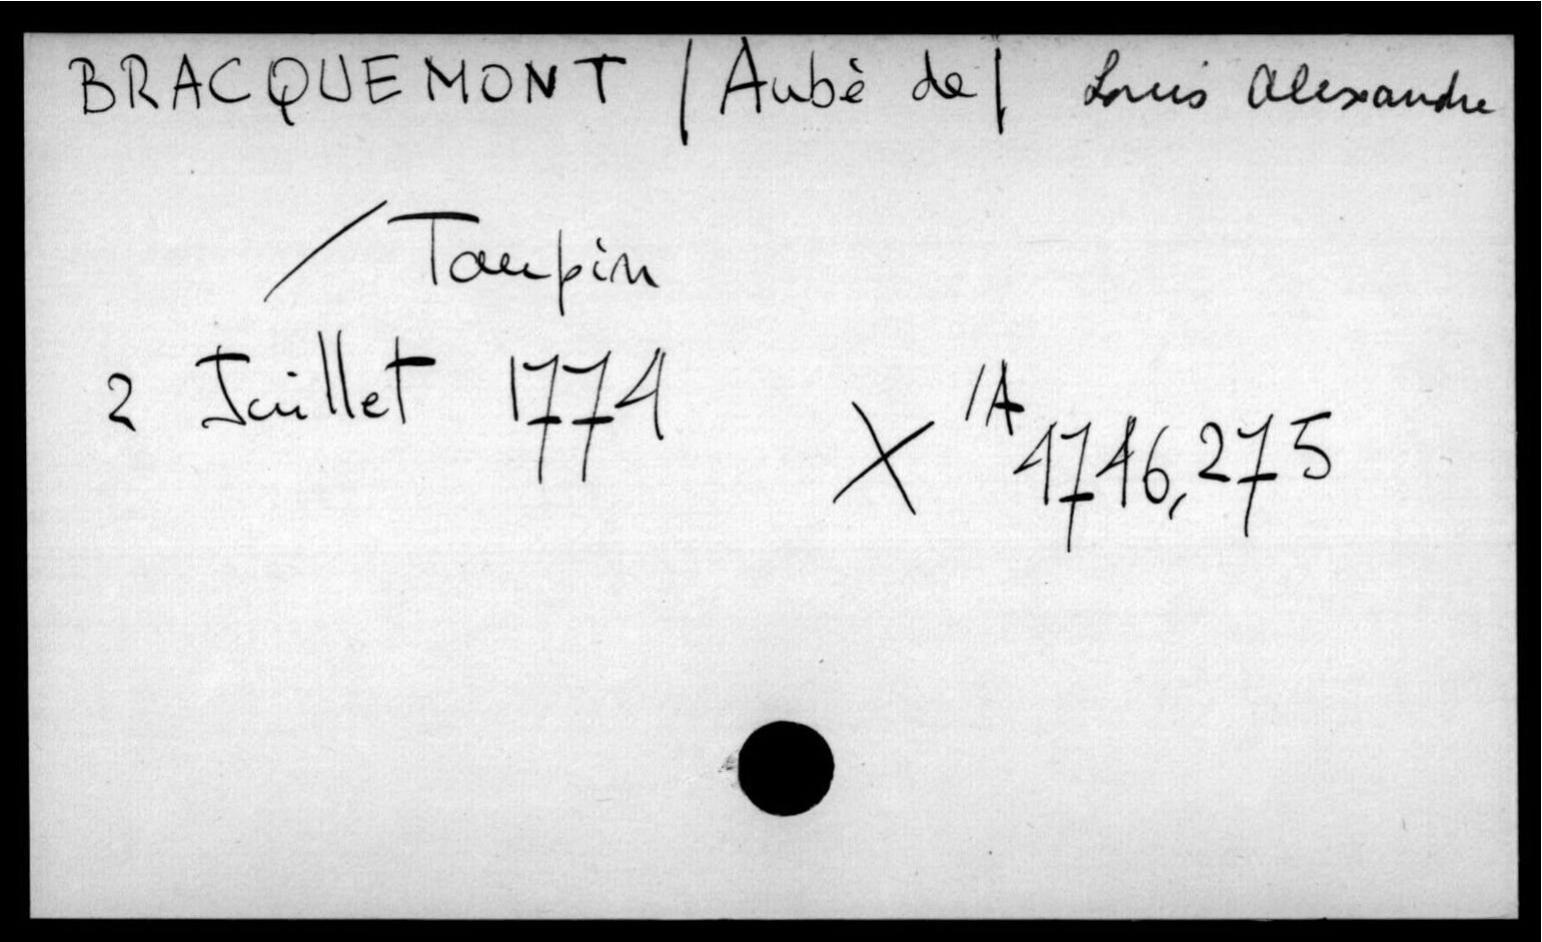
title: BRACQUEMONT (Aubé de) Louis Alexandre
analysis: Contre Taupin
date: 2 juillet 1774
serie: X1A
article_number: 4746
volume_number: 275
